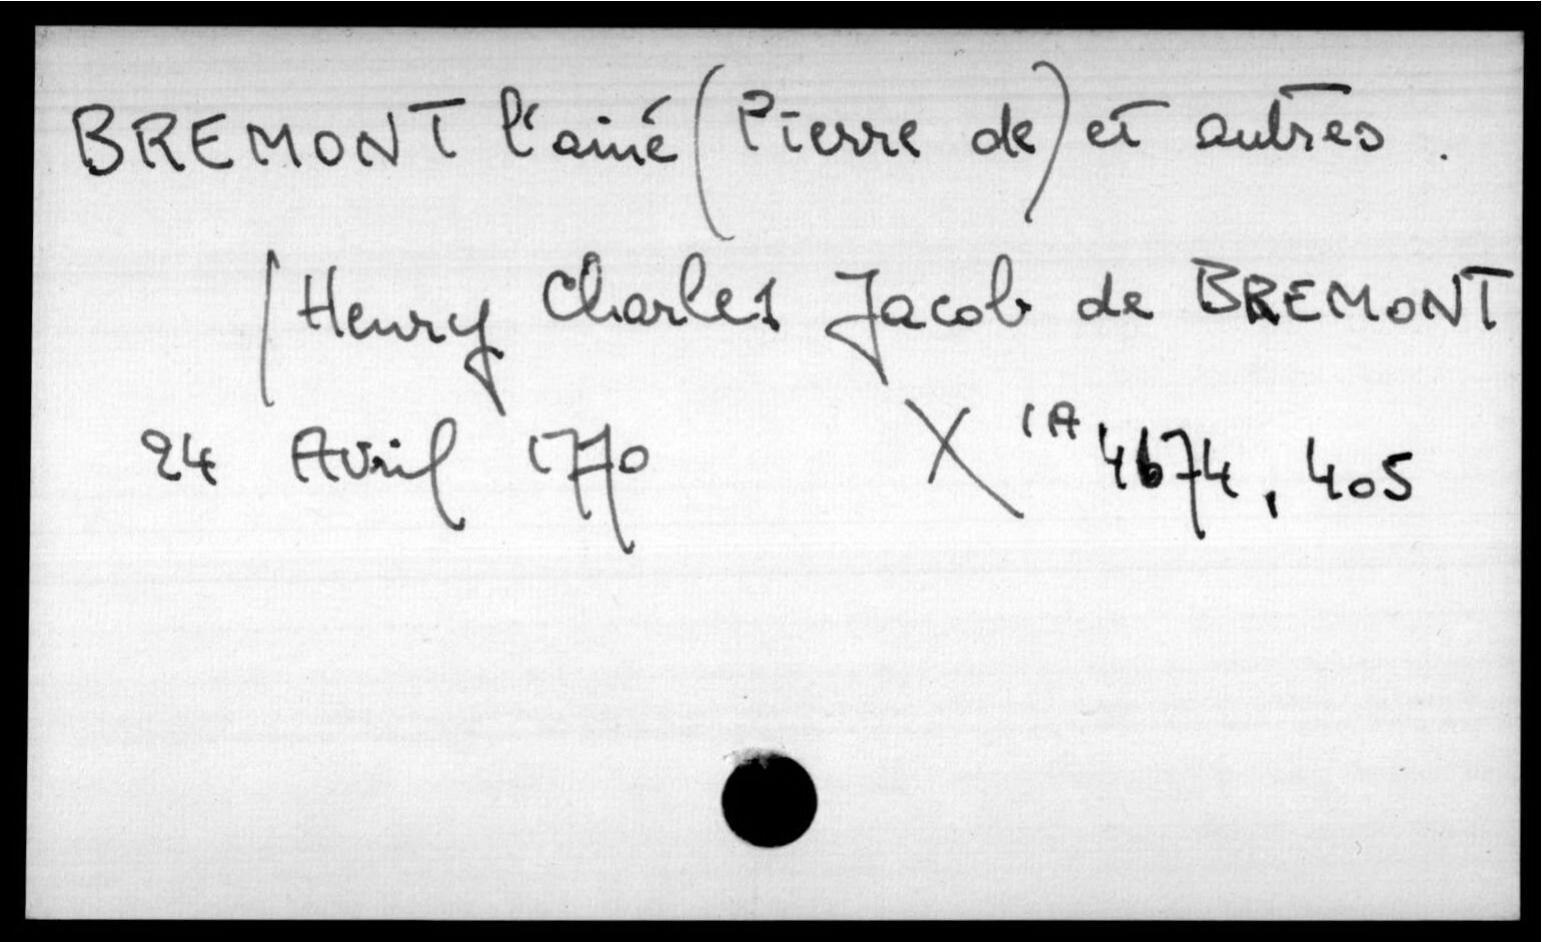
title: BREMONT l'ainé (Pierre de) et autres
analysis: Contre Henry Charles Jacole de BREMONT
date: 24 avril 1770
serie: X1A
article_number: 4674
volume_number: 405
